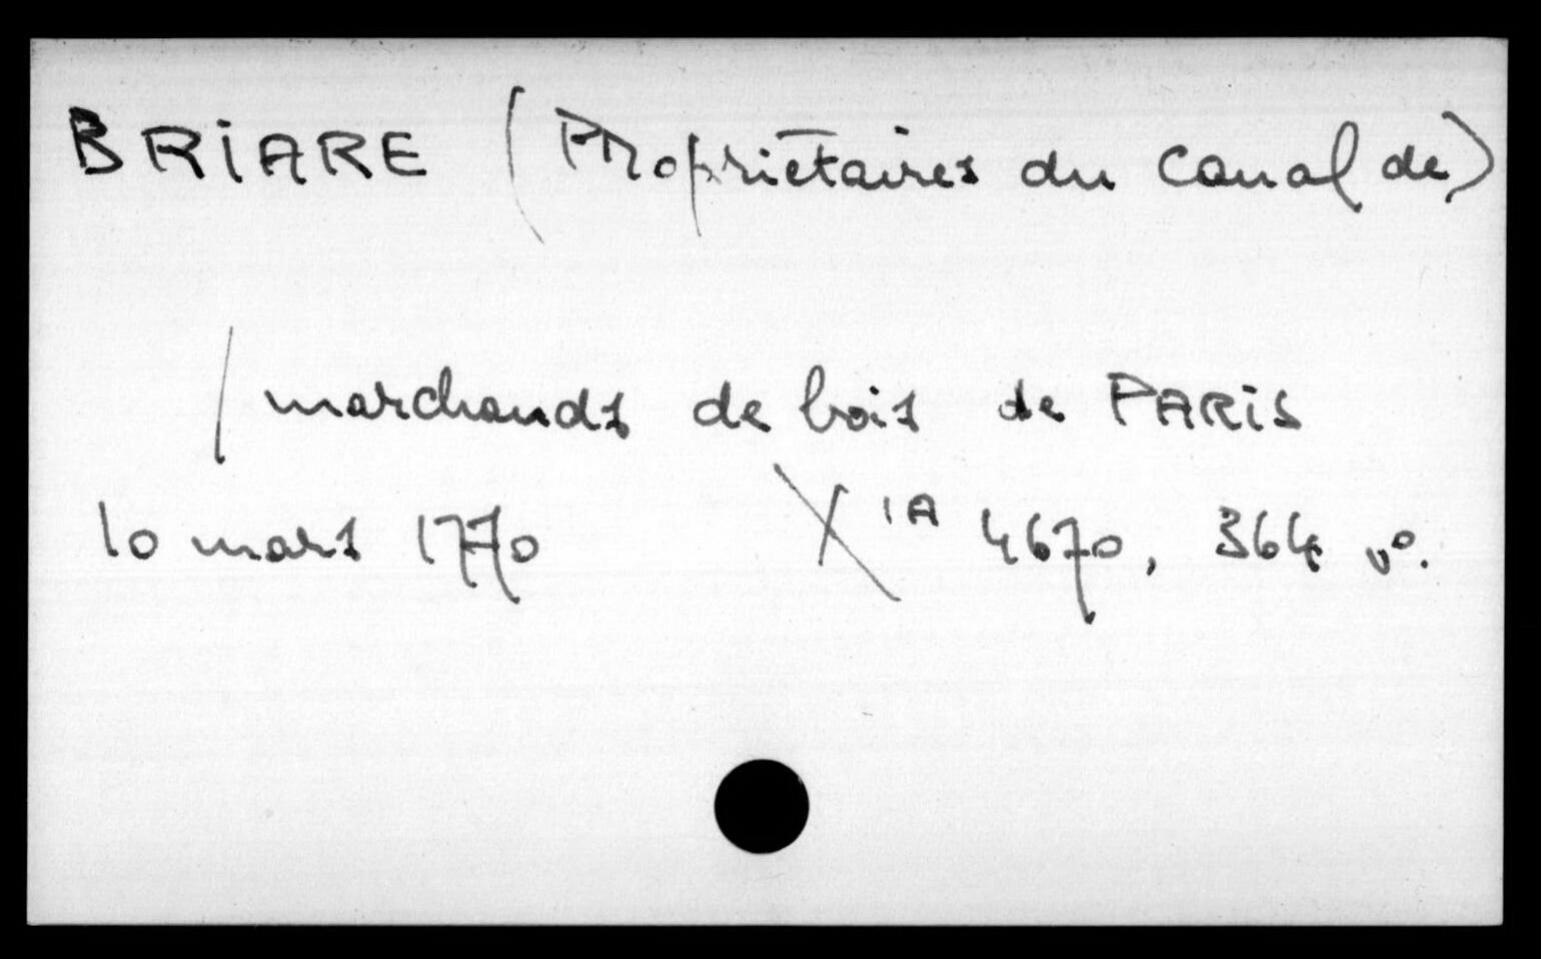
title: BRIARE (Propriétaires du canal de)
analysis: Contre marchands de bois de Paris
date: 10 mars 1770
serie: X1A
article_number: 4670
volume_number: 364v
